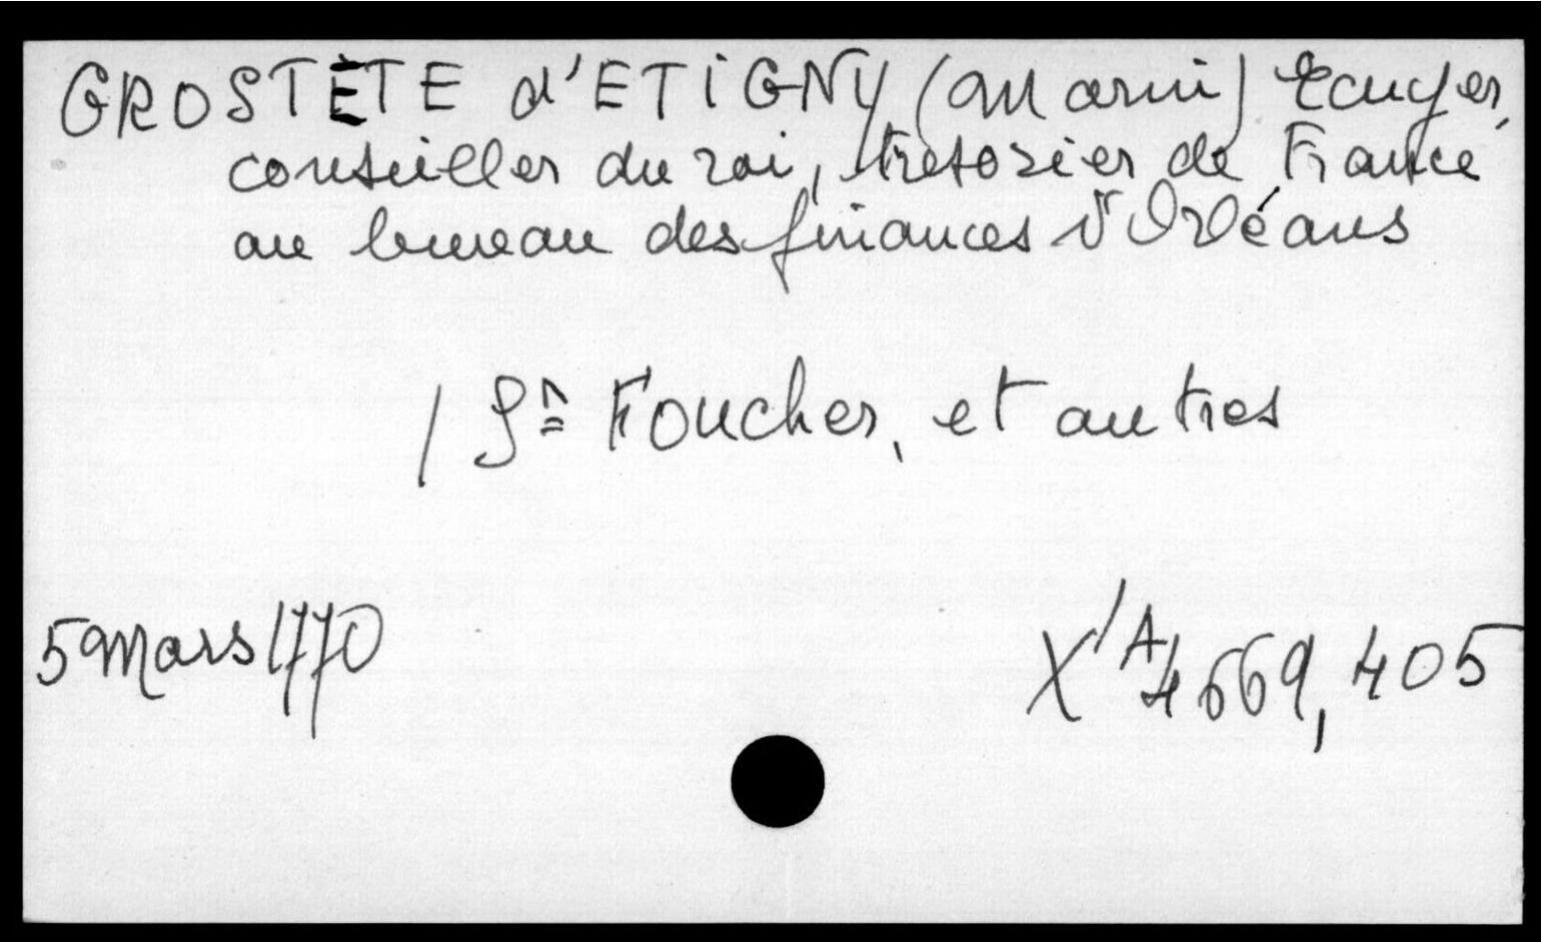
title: GROSTETE d'ETIGNY (Marin), écuyer, conseiller du roi, trésorier de France au bureau des finances d'Orléans
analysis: Contre sieur Foucher, et autres
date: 5 mars 1770
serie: X1A
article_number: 4669
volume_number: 405
